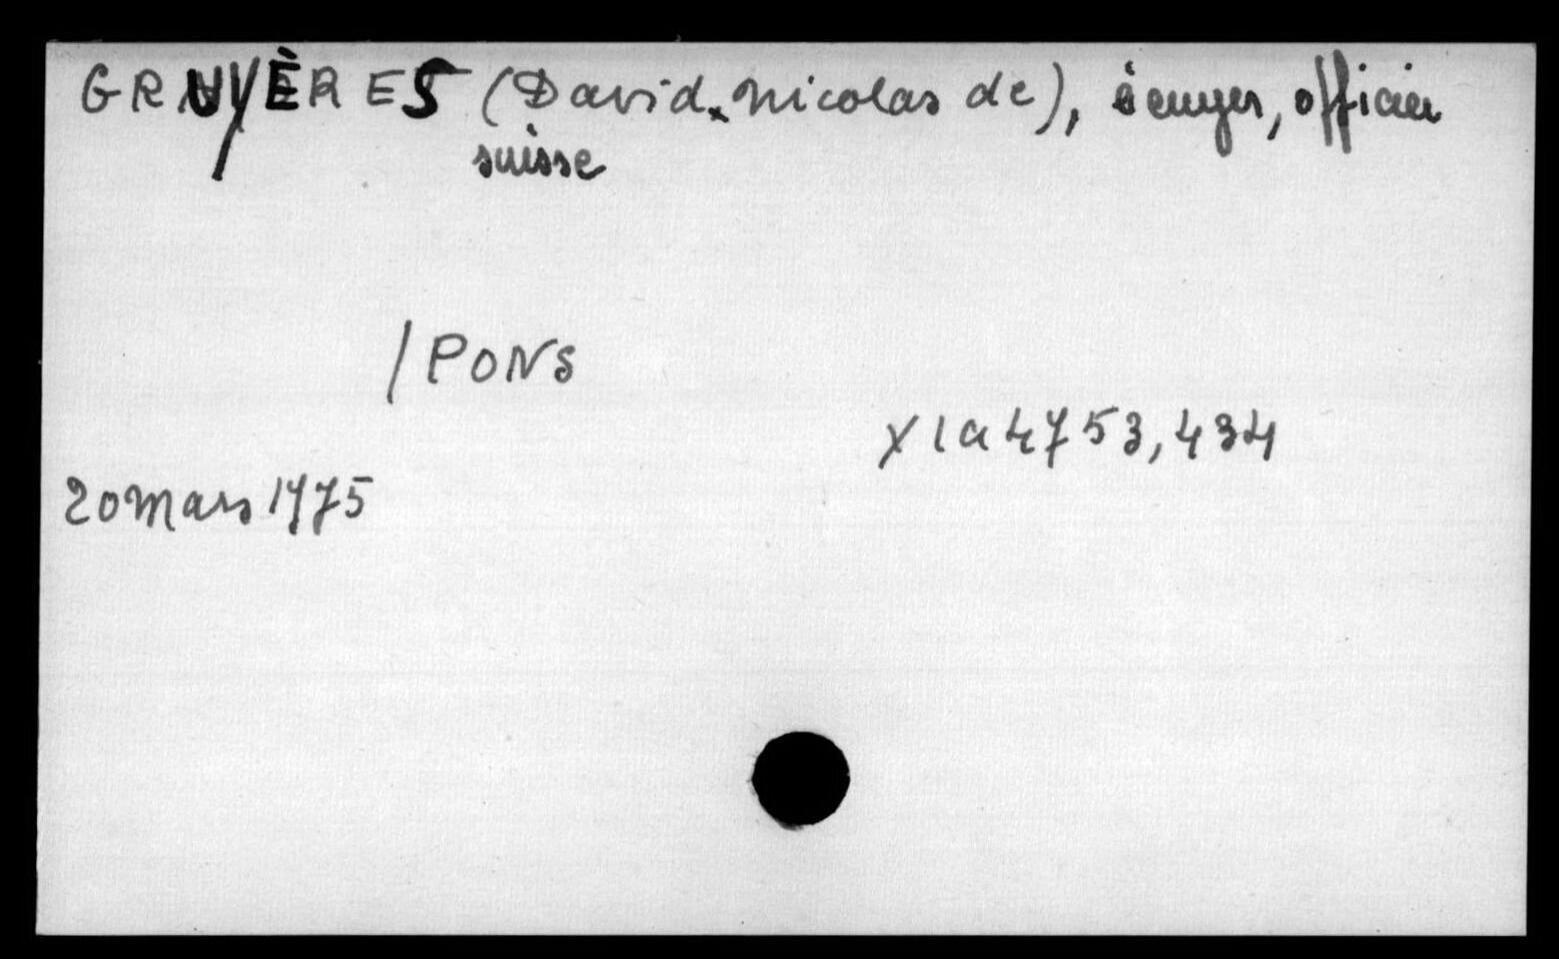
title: GRUYÈRES (David Nicolas de), écuyer, officier suisse
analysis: Contre PONS
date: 20 mars 1775
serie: X1a
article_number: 4753
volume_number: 434
